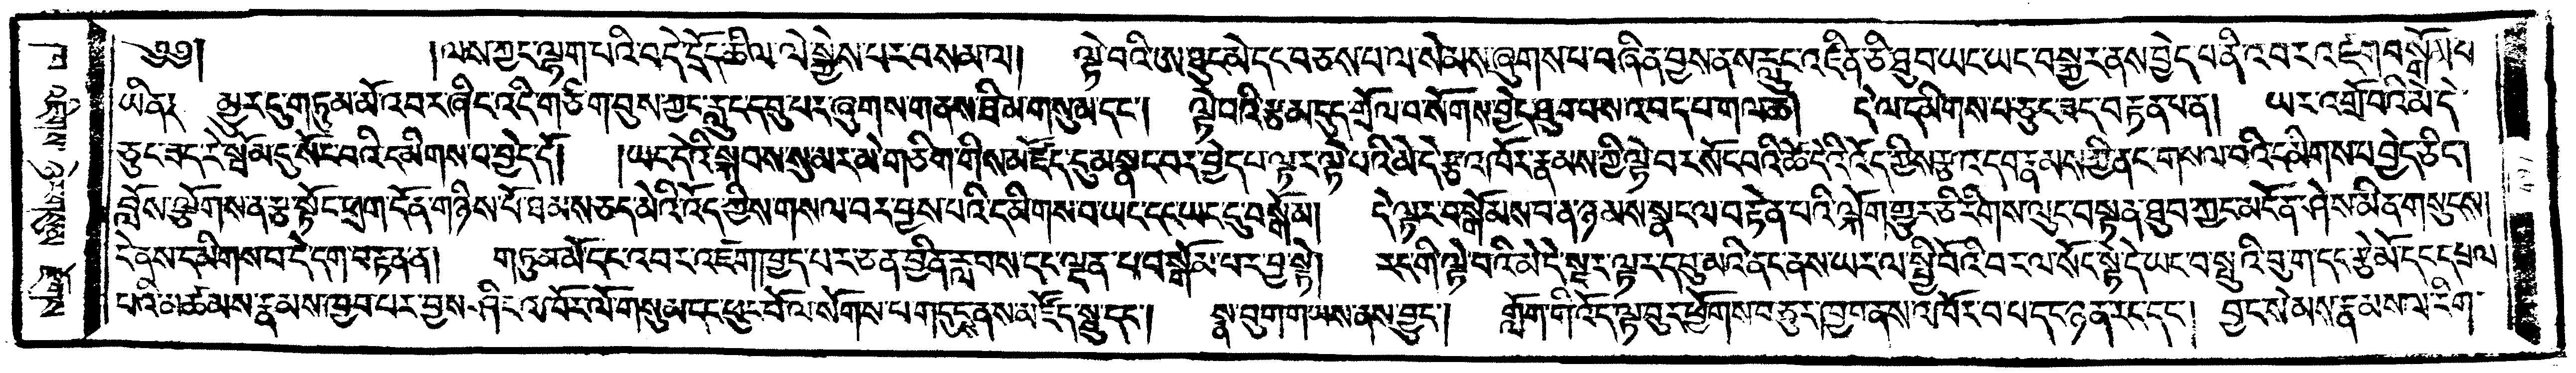༄༅། །ལས་ཀྱང་ལྷག་པའི་བདེ་དྲོད་ཆིལ་ལེ་སྐྱེས་པར་བསམ་ལ། ལྟེ་བའི་ཨ་ཐུང་མེ་དང་བཅས་པ་ལ་སེམས་ཞུགས་པ་བཞིན་བྱས་ནས་རླུང་འཛིན་ཅི་ཐུབ་ཡང་ཡང་བསྐྱར་ནས་བྱེད་པ་ནི་འབར་འཛག་བསྒོམ་པ་
ཡིན༑ མྱུར་དུ་གཏུམ་མོ་འབར་ཞིང་འདི་གཅིག་བུས་ཀྱང་རླུང་དབུ་པར་ཞུགས་གནས་ཐིམ་གསུམ་དང་། ལྟེ་བའི་རྩ་མདུད་གྲོལ་བ་སོགས་བྱེད་ཐུབ་བས་འབད་པ་གལ་ཆེ། དེ་ལ་དམིགས་པ་ཅུང་ཟད་བརྟན་པ་ན། ཡར་འགྲོ་བའི་མེ་དེ་
ཅུང་ཟད་རེ་སྦོམ་དུ་སོང་བའི་དམིགས་པ་བྱེད་དོ། །ཡང་དེའི་སྐབས་སུ་མར་མེ་གཅིག་གིས་མཛོད་དུ་མ་སྣང་བར་བྱེད་པ་ལྟར་ལྟེ་བའི་མེ་དེ་རྩ་འཁོར་རྣམས་ཀྱི་ལྟེ་བར་སོང་བའི་ཚེ་དེའི་འོད་ཀྱིས་རྩ་འདབ་རྣམས་ཀྱི་ནང་གསལ་བའི་དམིགས་པ་བྱེད་ཅིང་།
བློས་ལྕོགས་ན་རྩ་སྟོང་ཕྲག་དོན་གཉིས་པོ་ཐམས་ཅད་མེའི་འོད་ཀྱིས་གསལ་བར་བྱས་པའི་དམིགས་པ་ཡང་དང་ཡང་དུ་བསྒོམ། དེ་ལྟར་བསྒོམས་བ་ན་ཉམས་སྣང་ལ་བརྟེན་པའི་ལྐོག་གྱུར་ཅི་རིགས་ལུང་བསྟན་ཐུབ་ཀྱང་མངོན་ཤེས་མིན་གསུངས།
དེ་ནས་དམིགས་བ་དེ་དག་བརྟན་ན། གཏུམ་མོ་དང་འབར་འཛག་ཁྱད་པར་ཅན་བྱིན་རླབས་དང་ལྡན་པ་བསྒོམ་པར་བྱ་སྟེ། རང་གི་ལྟེ་བའི་མེ་དེ་སྔར་ལྟར་དབུ་མའི་ནང་ནས་ཡར་ལ་སྤྱི་བོའི་བར་ལ་སོང་སྟེ་དེ་ཡང་བ་སྤུའི་བུ་ག་དང་རྩེ་མོ་དང་དཔྲལ་
པའི་མཚམས་རྣམས་ཁྱབ་པར་བྱས་ཤིང་འཁོར་ལོ་གསུམ་དང་ཕུང་པོ་ལ་སོགས་པ་གདུངས་ནས་མཛོད་སྤུ་དང་། སྣ་བུག་གཡས་ནས་བྱུང་། གློག་གི་འོད་ལྟ་བུར་ཕྱོགས་བཅུར་ཁྱབ་ནས་འཁོར་བ་པ་དང་ཉན་རང་དང་། བྱང་སེམས་རྣམས་ལ་རིག་